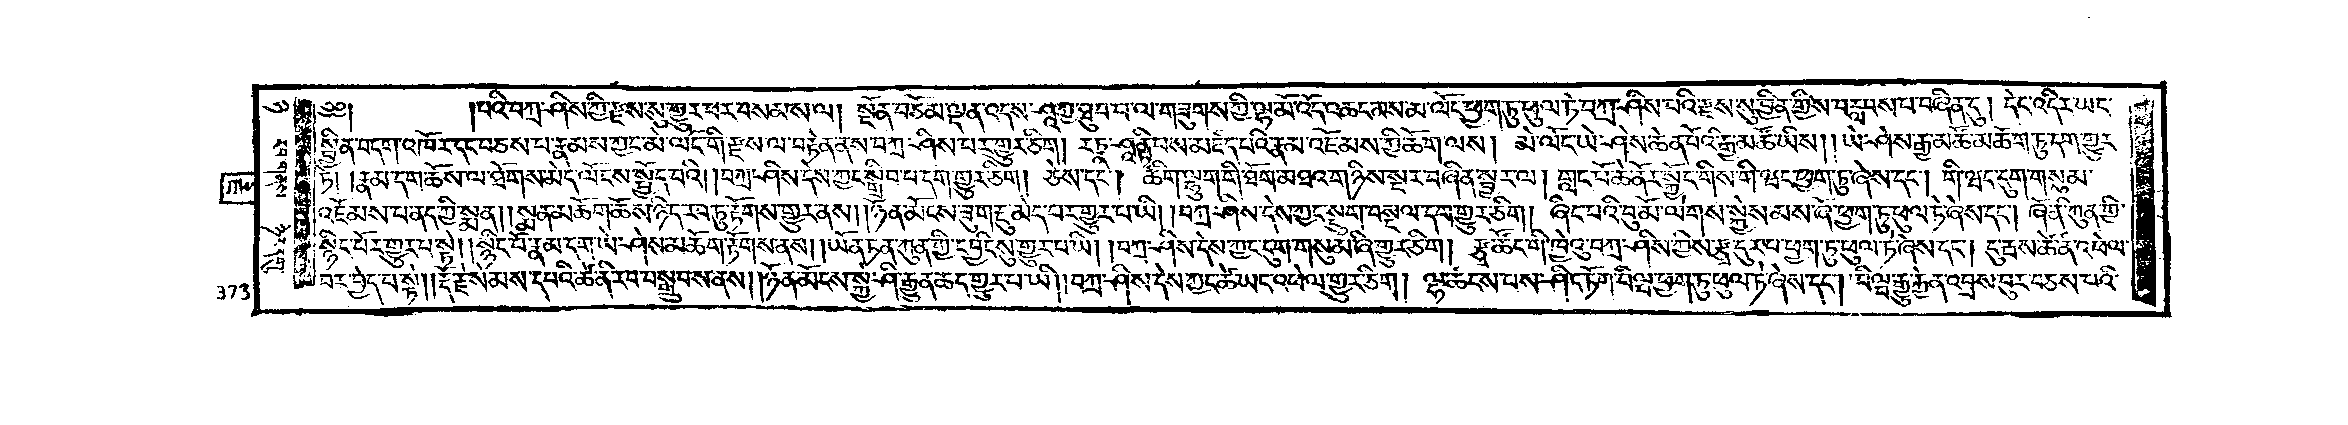༄༅། །པའི་བཀྲ་ཤིས་ཀྱི་རྫས་སུ་གྱུར་པར་བསམས་ལ། སྔོན་བཅོམ་ལྡན་འདས་ཤཱཀྱ་ཐུབ་པ་ལ་གཟུགས་ཀྱི་ལྷ་མོ་འོད་འཆང་མས་མེ་ལོང་ཕྱག་ཏུ་ཕུལ་ཏེ་བཀྲ་ཤིས་པའི་རྫས་སུ་བྱིན་གྱིས་བརླབས་པ་བཞིན་དུ། དེང་འདིར་ཡང་
སྦྱིན་བདག་འཁོར་དང་བཅས་པ་རྣམས་ཀྱང་མེ་ལོང་གི་རྫས་ལ་བརྟེན་ནས་བཀྲ་ཤིས་པར་གྱུར་ཅིག །རཏྣ་ཤཱནྟི་པས་མཛད་པའི་རྣམ་འཇོམས་ཀྱི་ཆོ་ག་ལས། མེ་ལོང་ཡེ་ཤེས་ཆེན་པོའི་རྒྱ་མཚོ་ཡིས། །ཡེ་ཤེས་རྒྱ་མཚོ་མཆོག་ཏུ་ངག་གྱུར་
ཏེ། །རྣམ་དག་ཆོས་ལ་ཐོགས་མེད་ལོངས་སྤྱོད་པའི། །བཀྲ་ཤིས་དེས་ཀྱང་སྒྲིབ་པ་དག་གྱུར་ཅིག །ཅེས་དང་། ཚིག་ལྷུག་གི་ཐོག་མཐའ་གཉིས་སྔར་བཞིན་སྦྱར་ལ། གླང་པོ་ཆེ་ནོར་སྐྱོང་གིས་གི་ཝང་ཕྱག་ཏུ་ཞེས་དང་། གི་ཝང་དུག་གསུམ་
འཇོམས་པ་ནད་ཀྱི་སྨན། །སྨན་མཆོག་ཆོས་ཉིད་རབ་ཏུ་རྟོགས་གྱུར་ནས། །ཉོན་མོངས་ཟུག་རྡུ་མེད་པར་གྱུར་པ་ཡི། །བཀྲ་ཤིས་དེས་ཀྱང་སྡུག་བསྔལ་དག་གྱུར་ཅིག །ཞིང་པའི་བུ་མོ་ལེགས་སྐྱེས་མས་ཞོ་ཕྱག་ཏུ་ཕུལ་ཏེ་ཞེས་དང་། ཞོ་ནི་ཀུན་གྱི་
སྙིང་པོར་གྱུར་པ་སྟེ། །སྙིང་པོ་རྣམ་དག་ཡེ་ཤེས་མཆོག་རྟོགས་ནས། །ཡོན་ཏན་ཀུན་གྱི་དབྱིངས་སུ་གྱུར་པ་ཡི། །བཀྲ་ཤིས་དེས་ཀྱང་དུག་གསུམ་ཞི་གྱུར་ཅིག །རྩྭ་ཚོང་གི་ཁྱེའུ་བཀྲ་ཤིས་ཀྱིས་རྩྭ་དུར་པ་ཕྱག་ཏུ་ཕུལ་ཏེ་ཞེས་དང་། དུ་རྦས་ཚེ་ནི་འཕེལ་
བར་བྱེད་པ་སྟེ། །རྡོ་རྗེ་སེམས་དཔའི་ཚེ་ནི་རབ་བསྒྲུབས་ནས། །ཉོན་མོངས་སྐྱེ་ཤི་རྒྱུན་ཆད་གྱུར་པ་ཡི། །བཀྲ་ཤིས་དེས་ཀྱང་ཚེ་ཡང་འཕེལ་གྱུར་ཅིག །ལྷ་ཚངས་པས་ཤིང་ཏོག་བིལྤ་ཕྱག་ཏུ་ཕུལ་ཏེ་ཞེས་དང་། བིལྦ་རྒྱུ་རྐྱེན་འབྲས་བུར་བཅས་པའི་